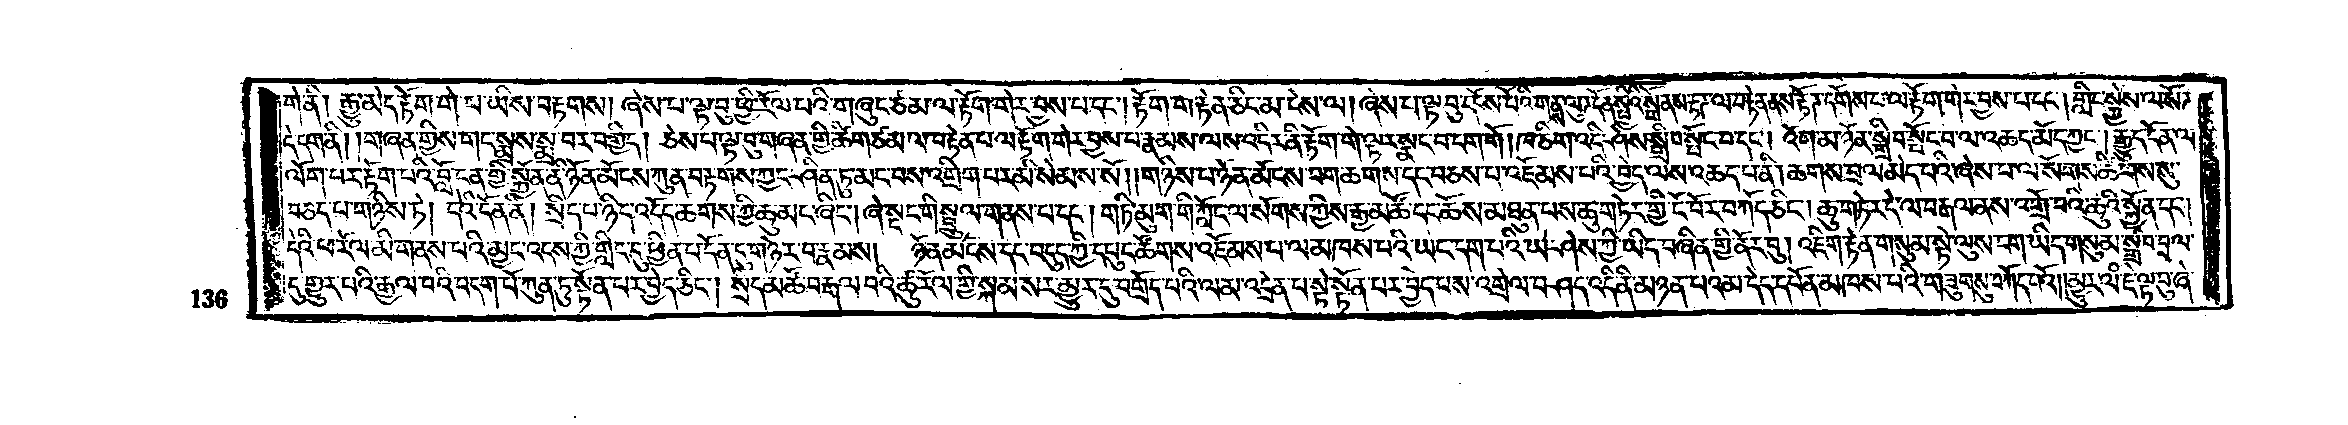གེ་ནི། རྒྱུ་མེད་རྟོག་གེ་ང་ཡིས་བརྟགས། ཞེས་པ་ལྟ་བུ་ཕྱི་རོལ་པའི་གཞུང་ཙམ་ལ་རྟོག་གེར་བྱས་པ་དང་། རྟོག་གེ་རྟེན་ཅིང་མ་ངེས་ལ། ཞེས་པ་ལྟ་བུ་དངོས་པོའི་གནས་ལུགས་དོན་སྤྱིའི་སྒོ་ནས་རྟགས་ལ་བརྟེན་ནས་རྟོགས་དགོས་པ་ལ་རྟོག་གེར་བྱས་པ་དང་། གླིང་སྐྱེས་ལ་སོགས་
དེ་དག་ནི། །གཞན་གྱིས་གང་སྨྲས་སྨྲ་བར་བགྱིད། ཅས་པ་ལྟ་བུ་གཞན་གྱི་ཚིག་ཙམ་ལ་བརྟེན་པ་ལ་རྟོག་གེར་བྱས་པ་རྣམས་ལས་འདིར་ནི་རྟོག་གི་ལྟར་སྣང་བ་དག་གོ །ཁ་ཅིག་འདི་ཤེས་སྒྲིབ་སྤོང་བ་དང་། འོག་མ་ཉོན་སྒྲིབ་སྤོང་བ་ལ་འཆད་མོད་ཀྱང་། རྒྱུད་དོན་ལ་
ལོག་པར་རྟོག་པའི་བློ་ངན་གྱི་སྐྱོན་ནི་ཉོན་མོངས་ཀུན་བརྟགས་ཀྱང་ཤིན་ཏུ་མང་བས་འགྲིག་པར་མི་སེམས་སོ། །གཉིས་པ་ཉོན་མོངས་བག་ཆགས་དང་བཅས་པ་འཇོམས་པའི་བྱེད་ལས་འཆད་པ་ནི། ཆགས་བྲལ་མེད་པའི་ཞེས་པ་ལ་སོགས་ཚིགས་སུ་
བཅད་པ་གཉིས་ཏེ། དེའི་དོན་ནི། །སྲི་པ་ཉིད་འདོད་ཆགས་ཀྱི་ཆུ་མང་ཞིང་། ཞེ་ལྡང་གེ་སྦྲུལ་གནས་པ་དང་། གཏི་མུག་གི་གློང་ལ་སོགས་ཀྱིས་རྒྱ་མཚོ་དང་ཆོས་མཐུན་པས་ཆུ་གཏེར་གྱི་ངོ་བོར་བཀོད་ཅིང་། ཆུ་གཏེར་དེ་ལ་བརྒལ་ནས་འགྲོ་བའི་ཆུའི་སྐྱོན་དང་།
དེའི་ཕ་རོལ་མི་གནས་པའི་མྱན་འདས་ཀྱི་གླིང་དུ་ཕྱིན་པ་དོན་དུ་གཉེར་བ་རྣམས། ཉོན་མོངས་དང་བདུད་ཀྱི་དཔུང་ཚོགས་འཇོམས་པ་ལ་མཁས་པའི་ཡང་དག་པའི་ཡེ་ཤེས་ཀྱི་ཡིད་བཞིན་གྱི་ནོར་བུ། འཇིག་རྟེན་གསུམ་སྟེ་ལུས་ངག་ཡིད་གསུམ་སྒྲིབ་བྲལ་
དུ་གྱུར་པའི་རྒྱལ་བའི་བདག་པོ་ཀུན་ཏུ་སྟོན་པར་བྱེད་ཅིང་། སྲིད་མཚོ་བརྒལ་བའི་ཆུ་རོལ་གྱི་སྐམ་སར་མྱུར་དུ་བགྲོད་པའི་ལམ་འདྲེན་པ་སྟེ་སྟོན་པར་བྱེད་པས་འགྲེལ་བཤད་འདི་ནི་མཉན་པའམ་དེད་དཔོན་མཁས་པའི་གཟུགས་སུ་བཀོད་པའོ། །མྱུར་ལཾ་ཇི་ལྟ་བུ་ཞེ་